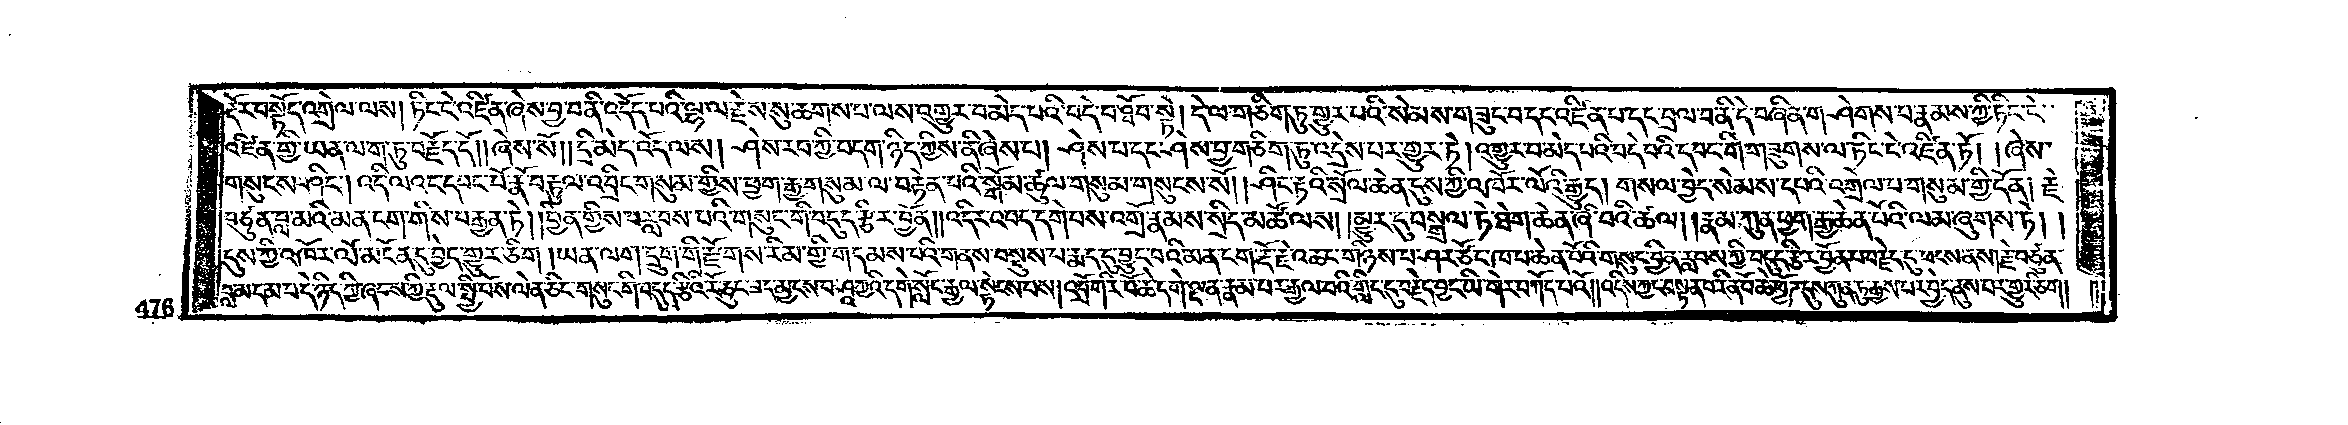རྡོར་བསྟོད་འགྲེལ་ལས། ཏིང་ངེ་འཛིན་ཞེས་བྱ་བ་ནི་འདོད་པའི་ལྷ་ལ་རྗེས་སུ་ཆགས་པ་ལས་འགྱུར་བ་མེད་པའི་བདེ་བ་ཐོབ་སྟེ། དེ་ལ་གཅིག་ཏུ་གྱུར་པའི་སེམས་གཟུང་བ་དང་འཛིན་པ་དང་བྲལ་བ་ནི་དེ་བཞིན་གཤེགས་པ་རྣམས་ཀྱི་ཏིང་ངེ་
འཛིན་གྱི་ཡན་ལག་ཏུ་བརྗོད་དོ། །ཞེས་སོ། །དྲི་མེད་འོད་ལས། ཤེས་རབ་ཀྱི་བདག་ཉིད་ཀྱིས་ནི་ཞེས་པ། ཤེས་པ་དང་ཤེས་བྱ་གཅིག་ཏུ་འདྲེས་པར་གྱུར་ཏེ། འགྱུར་བ་མེད་པའི་བདེ་བའི་དབང་གི་གཟུགས་ལ་ཏིང་ངེ་འཛིན་ཏོ། །ཞེས་
གསུངས་ཤིང་། འདི་ལའང་དབང་པོ་རྣོ་བརྟུལ་འབྲིང་གསུམ་གྱིས་ཕྱག་རྒྱ་གསུམ་ལ་བརྟེན་པའི་སྒོམ་ཚུལ་གསུམ་གསུངས་སོ། །ཤིང་རྟའི་སྲོལ་ཆེན་དུས་ཀྱི་འཁོར་ལོའི་རྒྱུད། གསལ་བྱེད་སེམས་དཔའི་འགྲེལ་པ་གསུམ་གྱི་དོན། རྗེ་
བཙུན་བླ་མའི་མན་ངག་གིས་བརྒྱན་ཏེ། །བྱིན་གྱིས་བརླབས་པའི་གསུང་གི་བདུད་རྩིར་བྱོན། །འདིར་འབད་དགེ་བས་འགྲོ་རྣམས་སྲིད་མཚོ་ལས། །མྱུར་དུ་བསྒྲལ་ཏེ་ཐེག་ཆེན་ཞི་བའི་ཚལ། རྣམ་ཀུན་ཕྱག་རྒྱ་ཆེན་པོའི་ལམ་ཞུགས་ཏེ། །
དུས་ཀྱི་འཁོར་ལོ་མངོན་དུ་བྱེད་གྱུར་ཅིག །ཡན་ལག་དྲུག་གི་རྫོགས་རིམ་གྱི་གདམས་པའི་གནས་བསྡུས་པ་རྨད་དུ་བྱུང་བའི་མན་ངག་རྡོ་རྗེ་འཆང་གཉིས་པ་ཤར་ཙོང་ཁ་པ་ཆེན་པོའི་གསུང་བྱིན་རླབས་ཀྱི་བདུད་རྩིར་བྱོན་པ་བརྗེད་དུ་ཕངས་ནས། རྗེ་བཙུན་
བླ་མ་དམ་པ་དེ་ཉིད་ཀྱི་ཞབས་ཀྱི་རྡུལ་སྤྱི་བོས་ལེན་ཅིང་གསུང་དགི་བདུད་རྩིའི་རོ་ཅུང་ཟད་མྱངས་བ་ཤཱཀྱའི་དགེ་སློང་རྒྱལ་སྟེངས་པས། འབྲོག་རི་བོ་ཆེ་དགེ་ལྡན་རྣམ་པར་རྒྱལ་བའི་གླིང་དུ་བརྗེད་བྱང་ཡི་གེར་བཀོད་པའོ། །འདིས་ཀྱང་བསྟན་པ་རིན་པོ་ཆེ་ཕྱོགས་དུས་ཀུན་ཏུ་རྒྱས་པར་བྱེད་ནུས་པར་གྱུར་ཅིག ། །